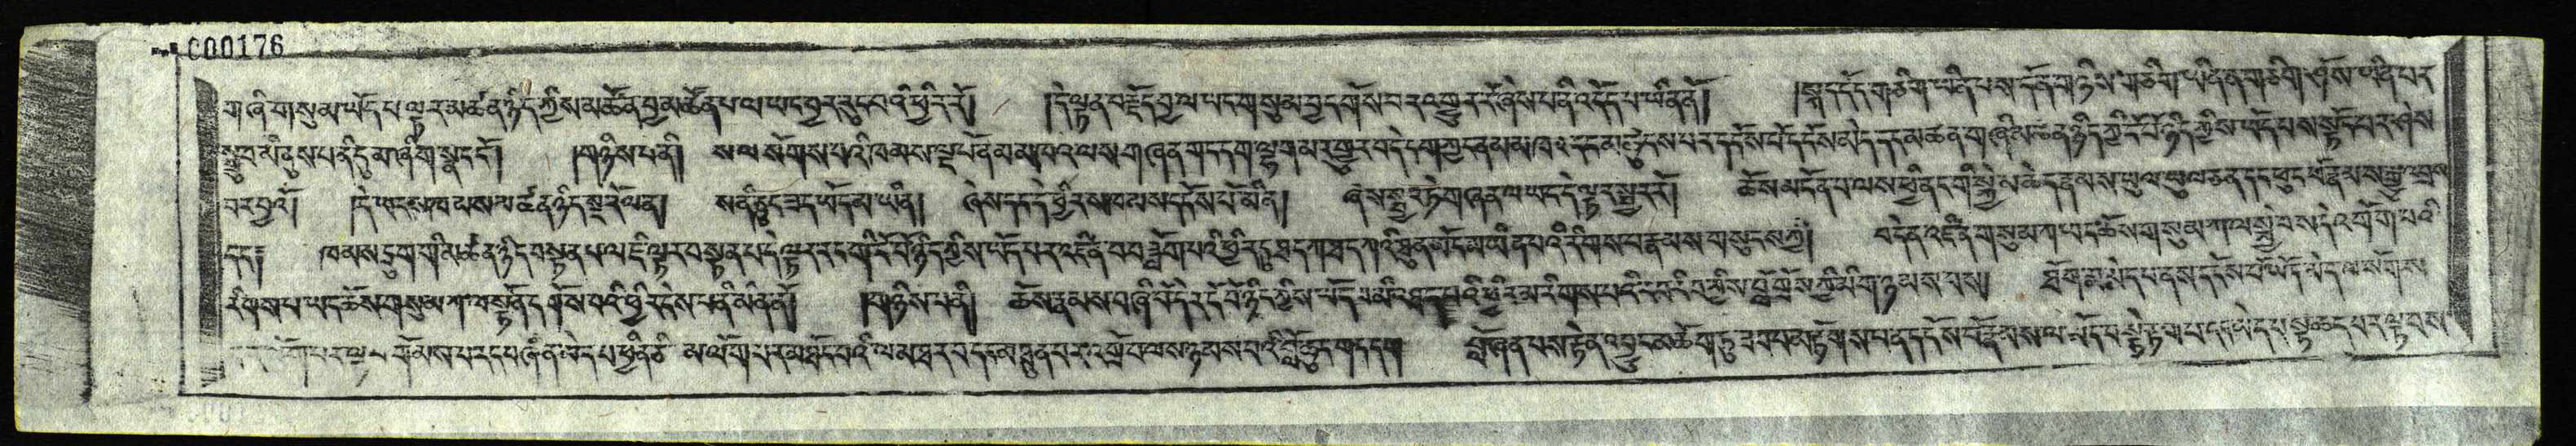གཞི་གསུམ་ཡོད་པ་ལྟར་མཚན་ཉིད་ཀྱིས་མཚོན་བྱ་མཚོན་པ་ལ་ཡང་བྱར་རུང་བའི་ཕྱིར་རོ། །དེ་ལྟན་བརྗོད་བྱ་ལ་ཡང་གསུམ་བྱ་དགོས་བར་འགྱུར་རོ་ཞེས་པ་ནི་འདོད་པ་ཡིན་ནོ། །སྐད་དོད་གཅིག་ཡིན་པས་དོན་གཉིས་གཅིག་ཡིན་ན་གཅིག་ཤོས་ཡིན་པར་
སྒྲུབ་མི་ནུས་པ་ནི་དུ་མ་ཞིག་སྣང་ངོ། །གཉིས་པ་ནི། ས་ལ་སོགས་པའི་ཁམས་ལྔ་པོ་ནམ་མཁའ་ལས་གཞན་གང་དག་ལྷག་མར་གྱུར་བ་དེ་དག་ཀྱང་ནམ་མཁའ་དང་མཚུངས་པར་དངོས་པོ་དངོས་མེད་དང་མཚན་གཞི་མཚན་ཉིད་ཀྱི་ངོ་བོ་ཉིད་ཀྱིས་ཡོད་པས་སྟོང་པར་ཤེས་
པར་བྱའོ། །དེ་ཡང་ས་ཁམས་མཚན་ཉིད་སྔ་རོལ་ན། ས་ནི་ཅུང་ཟད་ཡོད་མ་ཡིན། ཞེས་དང་དེ་ཕྱིར་ས་ཁམས་དངོས་པོ་མིན། ཞེས་སྦྱར་ཏེ་གཞན་ལ་ཡང་དེ་ལྟར་སྦྱར་རོ། ཆོས་མངོན་པ་ལས་ཕྱི་ནང་གི་སྐྱེ་མཆེད་རྣམས་ཡུལ་ཡུལ་ཅན་དང་ཕུང་པོ་རྣམས་རྒྱུ་འབྲས་
དང༑ ཁམས་དྲུག་གི་མཚན་ཉིད་བསྟན་པ་ལ་ཇི་ལྟར་བསྟན་པ་དེ་ལྟར་རང་གི་ངོ་བོ་ཉིད་ཀྱིས་ཡོད་པར་འཛིན་པ་བཟློག་པའི་ཕྱིར་དུ་ཐད་ཀ་ཐ་དཀའི་ཐུན་མོང་མ་ཡིན་པའི་རིགས་པ་རྣམས་གསུངས་ཀྱི། བདེན་འཛིན་གསུམ་ཀ་ཡང་ཆོས་གསུམ་ཀ་ལ་སྐྱེ་བས་དེ་འགོག་པའི་
རིགས་པ་ཡང་ཆོས་གསུམ་ཀ་ལ་སྟོན་དགོས་པའི་ཕྱིར་ངེས་པ་ནི་མིན་ནོ། །གཉིས་པ་ནི། ཆོས་རྣམས་བཞི་པོ་དེར་ངོ་བོ་ཉིད་ཀྱིས་ཡོད་པ་མི་འཐད་པའི་ཕྱིར་མ་རིགས་པའི་རབ་རིབ་ཀྱིས་བློ་གྲོས་ཀྱི་མིག་ཉམས་པས། ཐོག་མ་མེད་པ་ནས་དངོས་པོ་ཡོད་མེད་ལ་སོགས་
པར་ལོག་པར་ལྟ་བ་གོམས་པ་རང་བཞིན་མེད་པ་ཕྱིན་ཅི་མ་ལོག་པར་མཐོང་བའི་ལམ་ཐར་བ་དང་མཐུན་པར་འགྲེལ་བ་ལས་ཉམས་པའི་བློ་ཆུང་གང་དག་བློ་ཞན་པས་རྟེན་འབྱུང་མཆོག་ཏུ་ཟབ་པ་མ་རྟོགས་པ་ན་དངོས་པོ་རྣམས་ལ་མོད་པ་སྟེ་རྟག་པ་དང་མེད་པ་སྟ་ཆད་པར་ལྟ་བས་